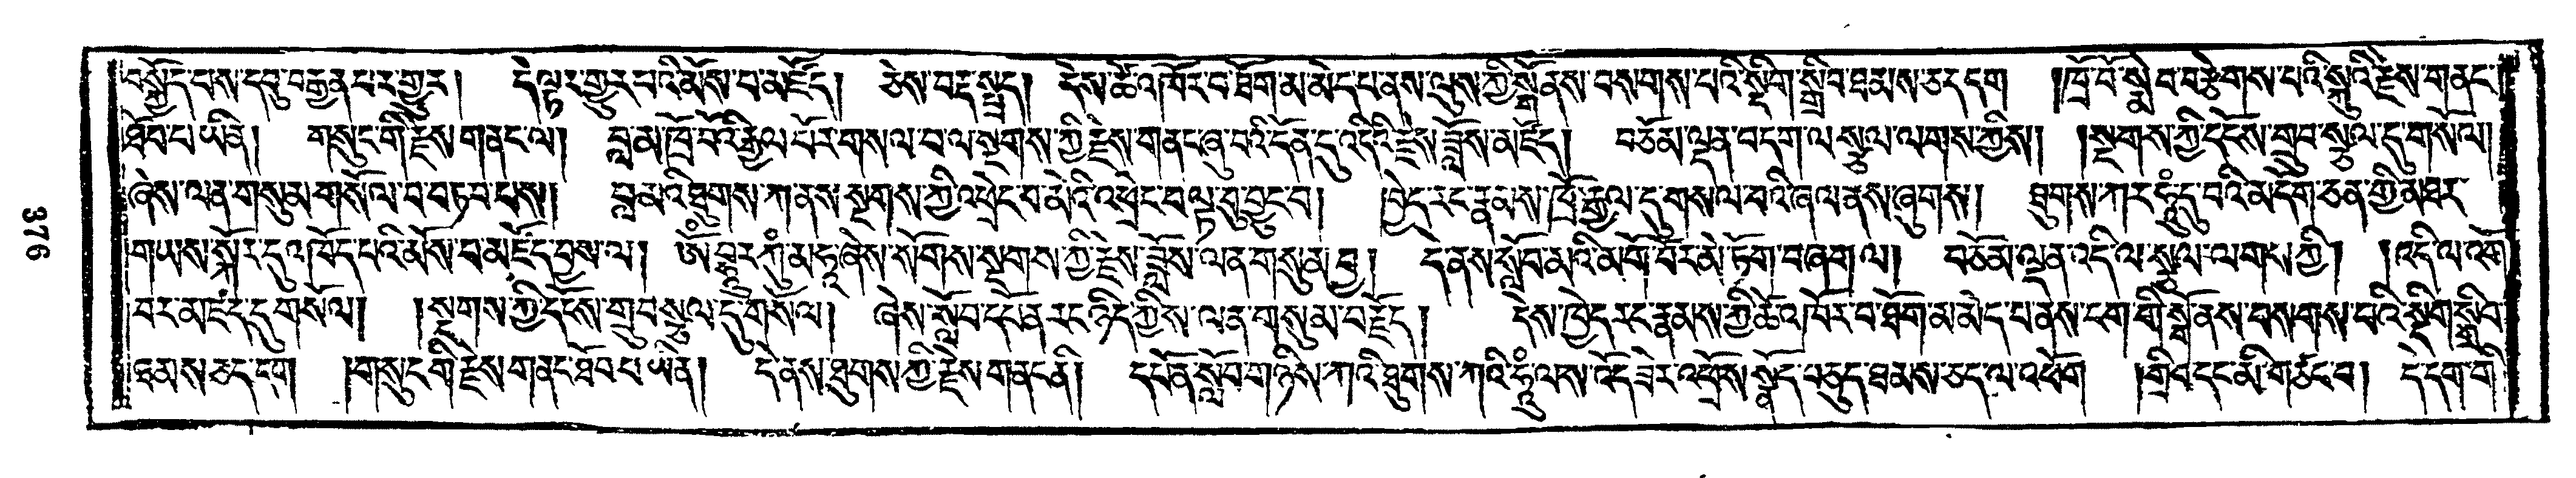བསྐྱོད་བས་དབུ་བརྒྱན་པར་གྱུར། །དེ་ལྟར་གྱུར་པའི་མོས་པ་མཛོད། ཅེས་བརྡ་སྤྲད། །དེས་ཚེ་འཁོར་བ་ཐོག་མ་མེད་པ་ནས་ལུས་ཀྱི་སྒོ་ནས་བསགས་པའི་སྡིག་སྒྲིབ་ཐམས་ཅད་དག །ཁྲོ་བོ་སྨི་བ་བརྩེགས་པའི་སྐུའི་རྗེས་གནང་།
ཐོབ་པ་ཡིན། །གསུང་གི་རྗེས་གནང་ལ། །བླ་མ་ཁྲོ་བོའི་རྒྱལ་པོར་གསལ་བ་ལ་སྔགས་ཀྱི་རྗེས་གནང་ཞུ་བའི་དོན་དུ་འདིའི་རྗེས་ཟློས་མཛོད། །བཅོམ་ལྡན་བདག་ལ་སྩལ་ལགས་ཀྱིས། །སྔགས་ཀྱི་དངོས་གྲུབ་སྩལ་དུ་གསོལ།།
ཞེས་ལན་གསུམ་གསོལ་བ་བཏབ་པས། །བླ་མའི་ཐུགས་ཀ་ནས་སྔགས་ཀྱི་འཕྲེང་པ་མེའི་འཕྲེང་བ་ལྟ་བུ་བྱང་བ། །བྱེད་རང་རྣམས་ཁྲོ་རྒྱལ་དུ་གསལ་བའི་ཞལ་ནས་ཞུགས། །ཐུགས་ཀར་ཧཱུཾ་དུ་བའི་མདོག་ཅན་གྱི་མཐར་
གཡས་སྐོར་དུ་འཁོར་པའི་མོས་བ་མཛོད་བྱས་ལ། ཨོཾ་བྷཱུར་ཀུཾ་མྷཱ་ཞེས་སོགས་སྔགས་ཀྱི་རྗེས་ཟློས་ལན་གསུམ་བྱ། །དེ་ནས་སློབ་མའི་མགོ་བོར་མེ་ཏོག་བཞག་ལ། བཅོམ་ལྡན་འདི་ལ་སྩལ་ལགས་ཀྱི། །འདི་ལ་འོག་
པར་མཛད་དུ་གསོལ། །སྔགས་ཀྱི་དངོས་གྲུབ་སྩལ་དུ་གསོལ། །ཞེས་སློབ་དཔོན་རང་ཉིད་ཀྱིས་ལན་གསུམ་བརྗོད། །དེས་ཁྱེད་རང་རྣམས་ཀྱི་ཚེ་འཁོར་བ་ཐོག་མ་མེད་པ་ནས་ངག་གི་སྒོ་ནས་བསགས་པའི་སྡིག་སྒྲིབ་
ཐམས་ཅད་དག །གསུང་གི་རྗེས་གནང་ཐོབ་པ་ཡིན། །དེ་ནས་ཐུགས་ཀྱི་རྗེས་གནང་ནི། །དཔོན་སློབ་གཉིས་ཀའི་ཐུགས་ཀའི་ཧཱུཾ་ལས་འོད་ཟེར་འཕྲོས་སྣོད་བཅུད་ཐམས་ཅད་ལ་འཕྲོག། གྲིབ་དང་མི་གཙང་བ། །དེ་དག་གི་